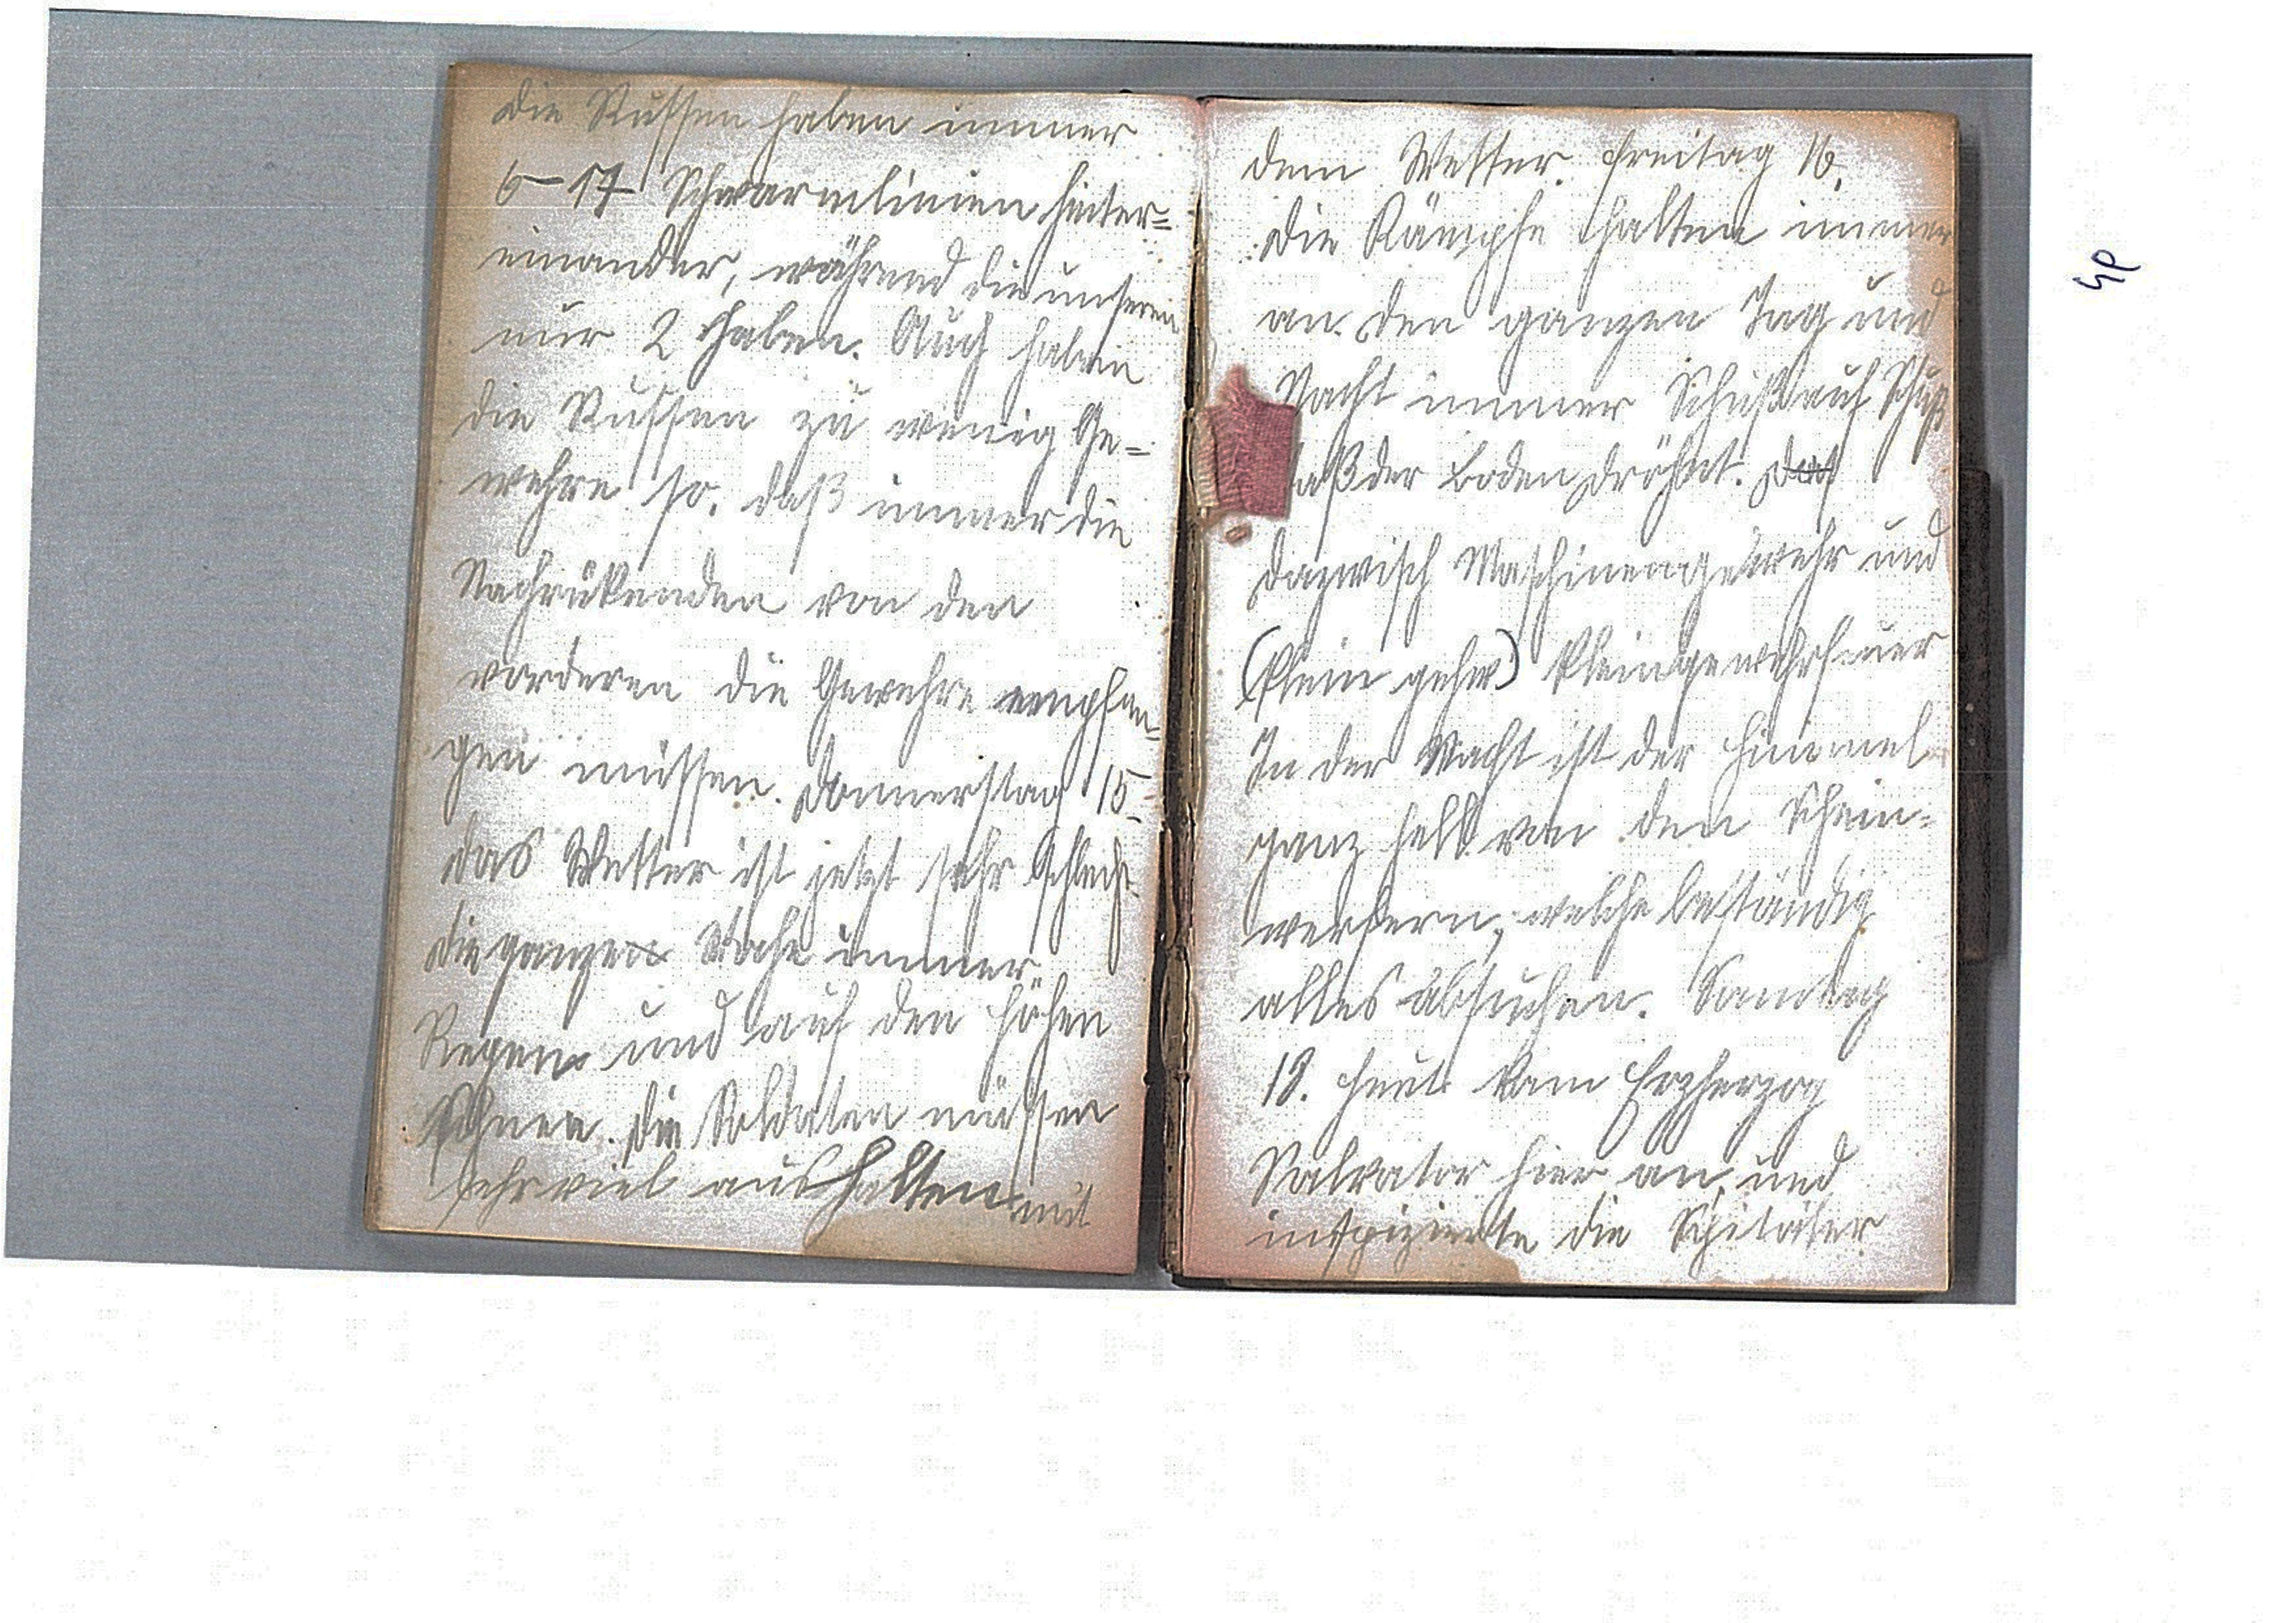Die Russen haben immer
6-7 Schwarmlinien hinter-
einander, während die unseren
nur 2 haben. Auch haben
die Russen zu wenig Ge-
wehre, so daß immer die
Nachrückenden von den
vorderen die Gewehre auffan-
gen müssen. Donnerstag 15.
Das Wetter ist jetzt sehr schlecht.
Die ganze Woche immer
Regen und auf den Höhen
Schnee. Die Soldaten müssen
sehr viel aushalten mit
dem Wetter. Freitag 16.
die Kämpfe halten immer
an. Den ganzen Tag und
Nacht immer Schuß auf Schuß
daß der Boden dröhnt.
Dazwisch Maschinengewehr und
(Klein gehe) Kleingewehrfeuer
In der Nacht ist der Himmel
ganz hell von den Schein-
werfern, welche beständig
alles absuchen. Sonntag
18. Heut kam Erzherzog
Salvator hier an, und
inspizierte die Schitviter